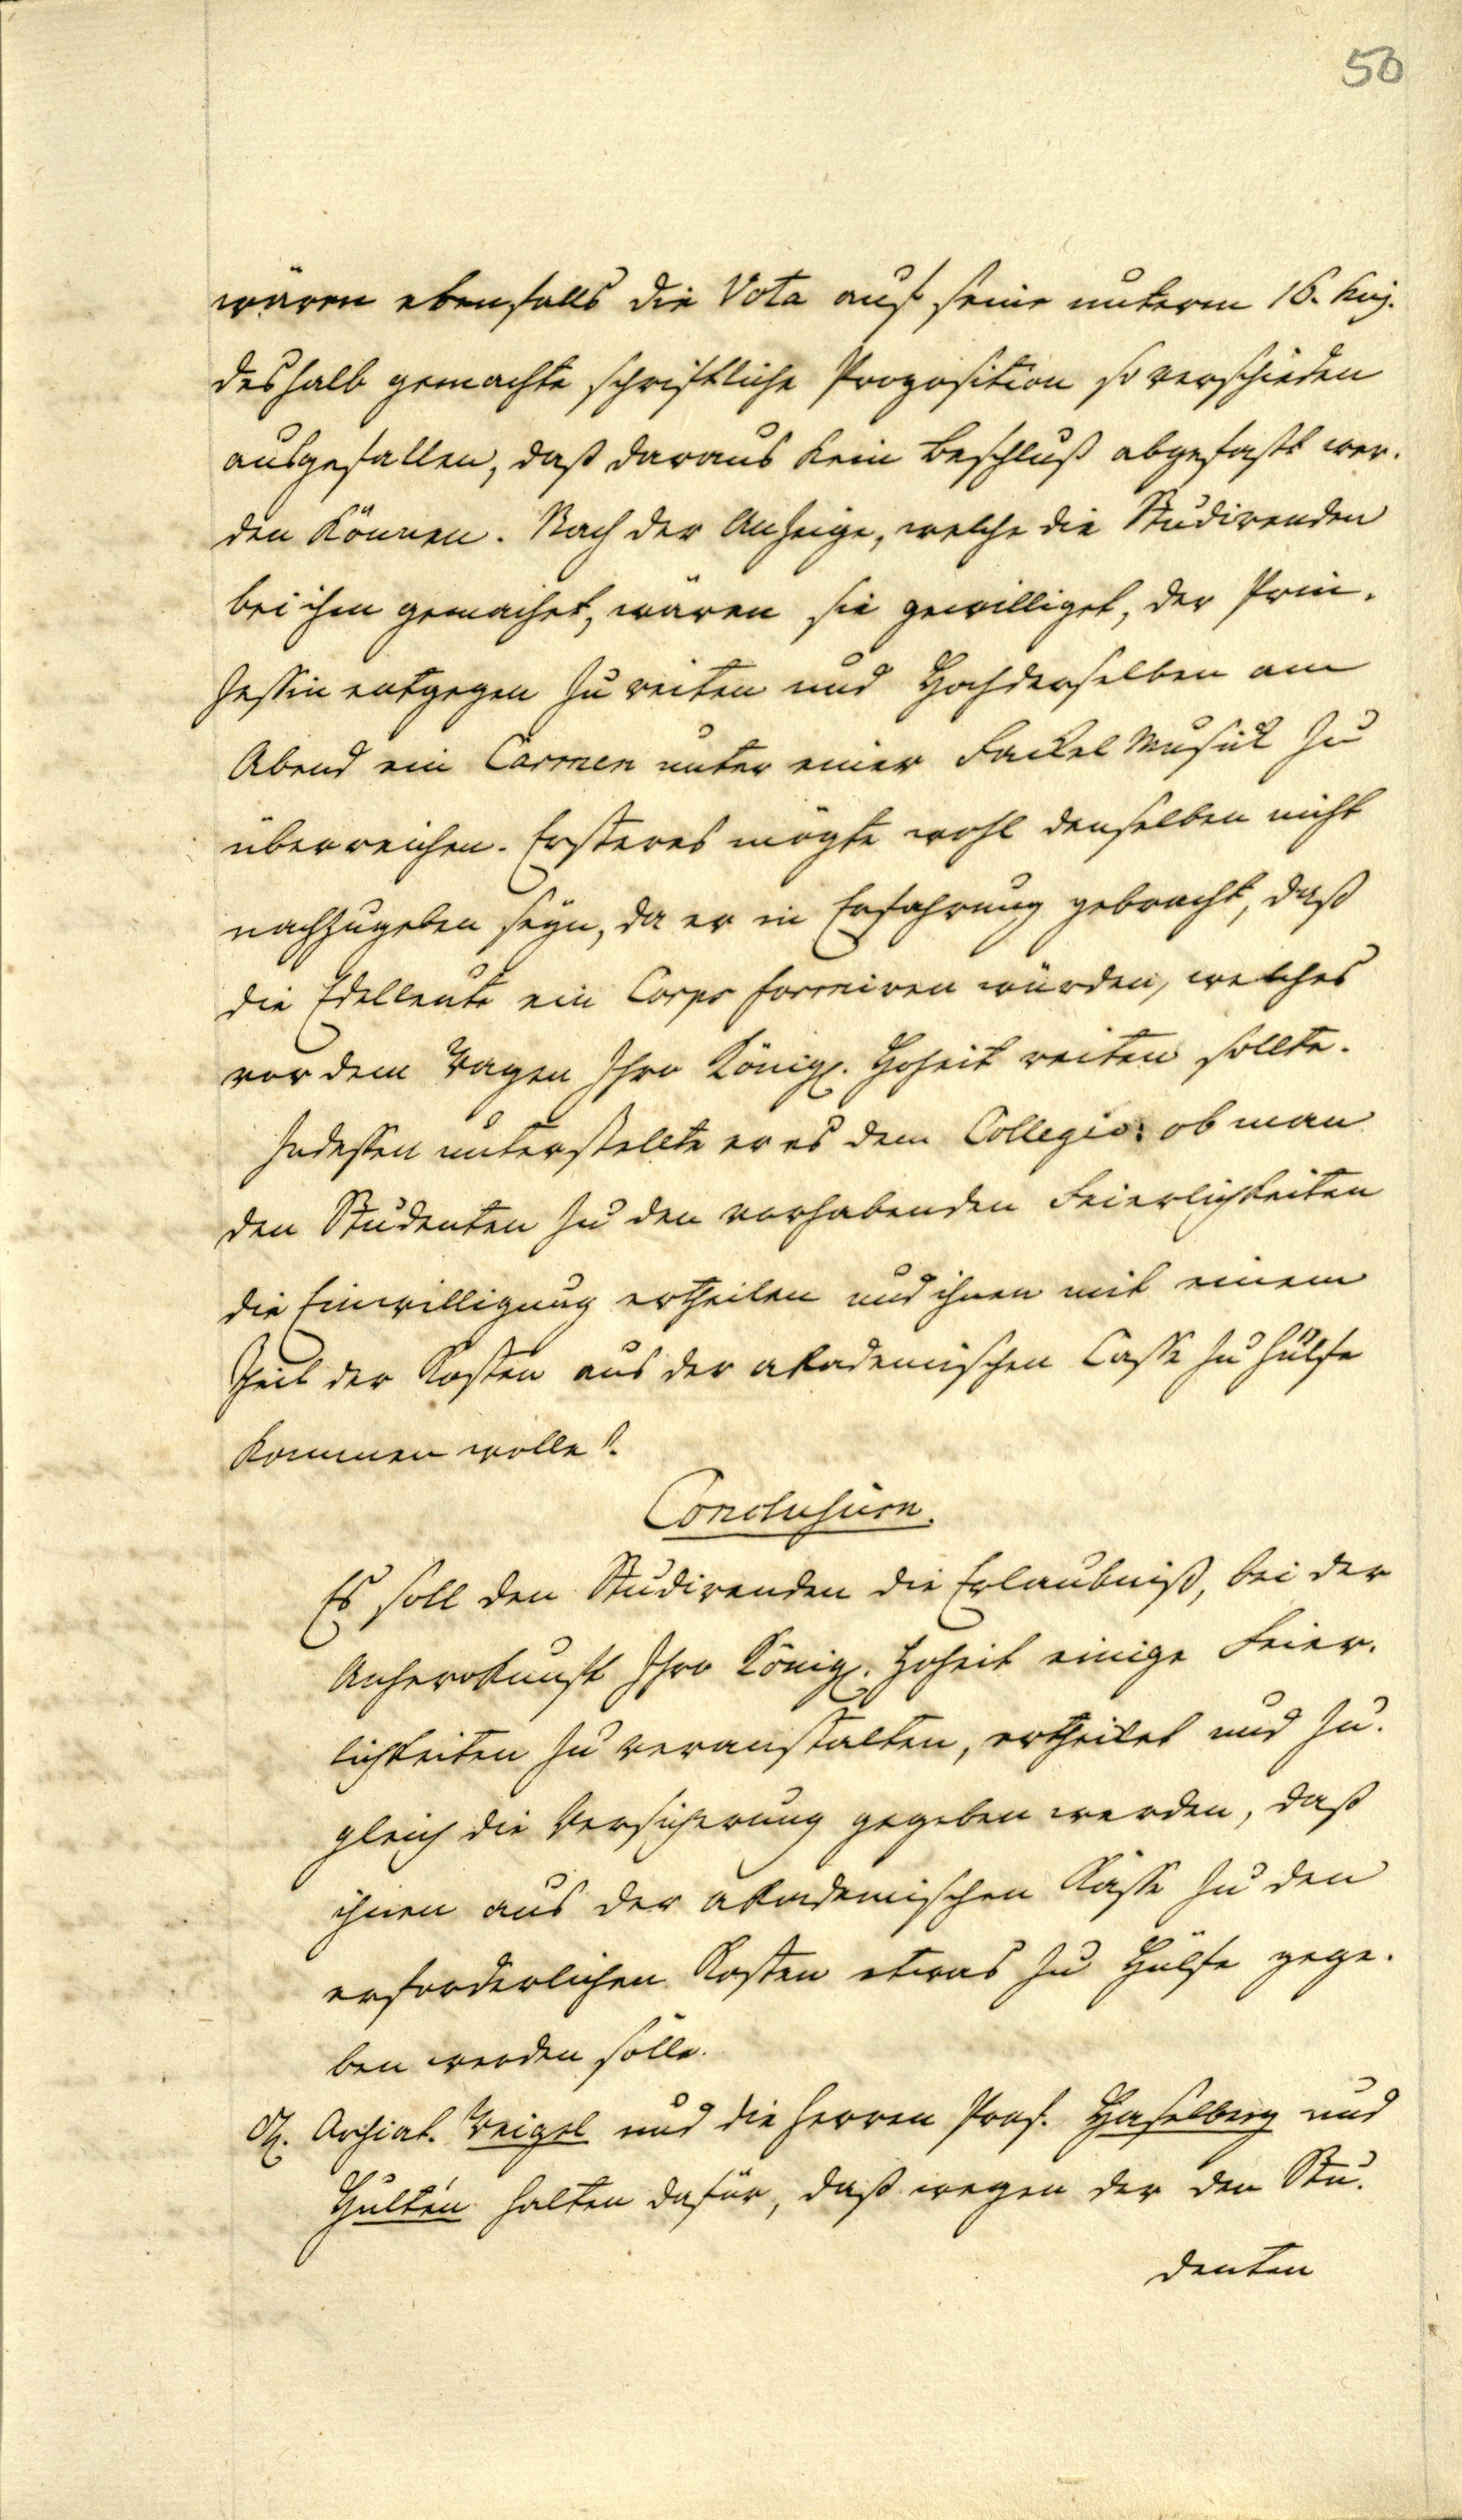wären ebenfalls die Vota auf seine unterm 16. huj.
deshalb gemachte schriftliche Proposition so verschieden
ausgefallen, daß daraus kein Beschluß abgefaßt wer¬
den können. Nach der Anzeige, welche die Studirenden
bei ihm gemachet, wären sie gewilliget, der Prin¬
zessin entgegen zu reiten und Hochderselben am
Abend ein Carmen unter einer Fackel Musick zu
überreichen. Ersteres mögte wohl denselben nicht
nachzugeben seÿn, da er in Erfahrung gebracht, daß
die Edelleute ein Corps formiren würden, welches
vor dem Wagen Ihro Königl. Hoheit reiten sollte.
Indessen unterstellte er es dem Collegio: ob man
den Studenten zu den vorhabenden Feierlichkeiten
die Einwilligung ertheilen und ihnen mit einem
Theil der Kosten aus der akademischen Casse zu Hülf
kommen wolle?
Conclusum
Es soll den Studirenden die Erlaubniß, bei der
Anherokunft Ihrer Königl. Hoheit einige Feier¬
lichkeiten zu veranstalten, ertheilet und zu¬
gleich die Versicherung gegeben werden, daß
ihnen aus der akademischen Kasse zu den
erforderlichen Kosten etwas zu Hülfe gege¬
ben werden solle.
dh. Archiat. Weigel und die Herren Prof. Haselberg und
Hultén halten dafür, daß wegen der den Stu¬
denten